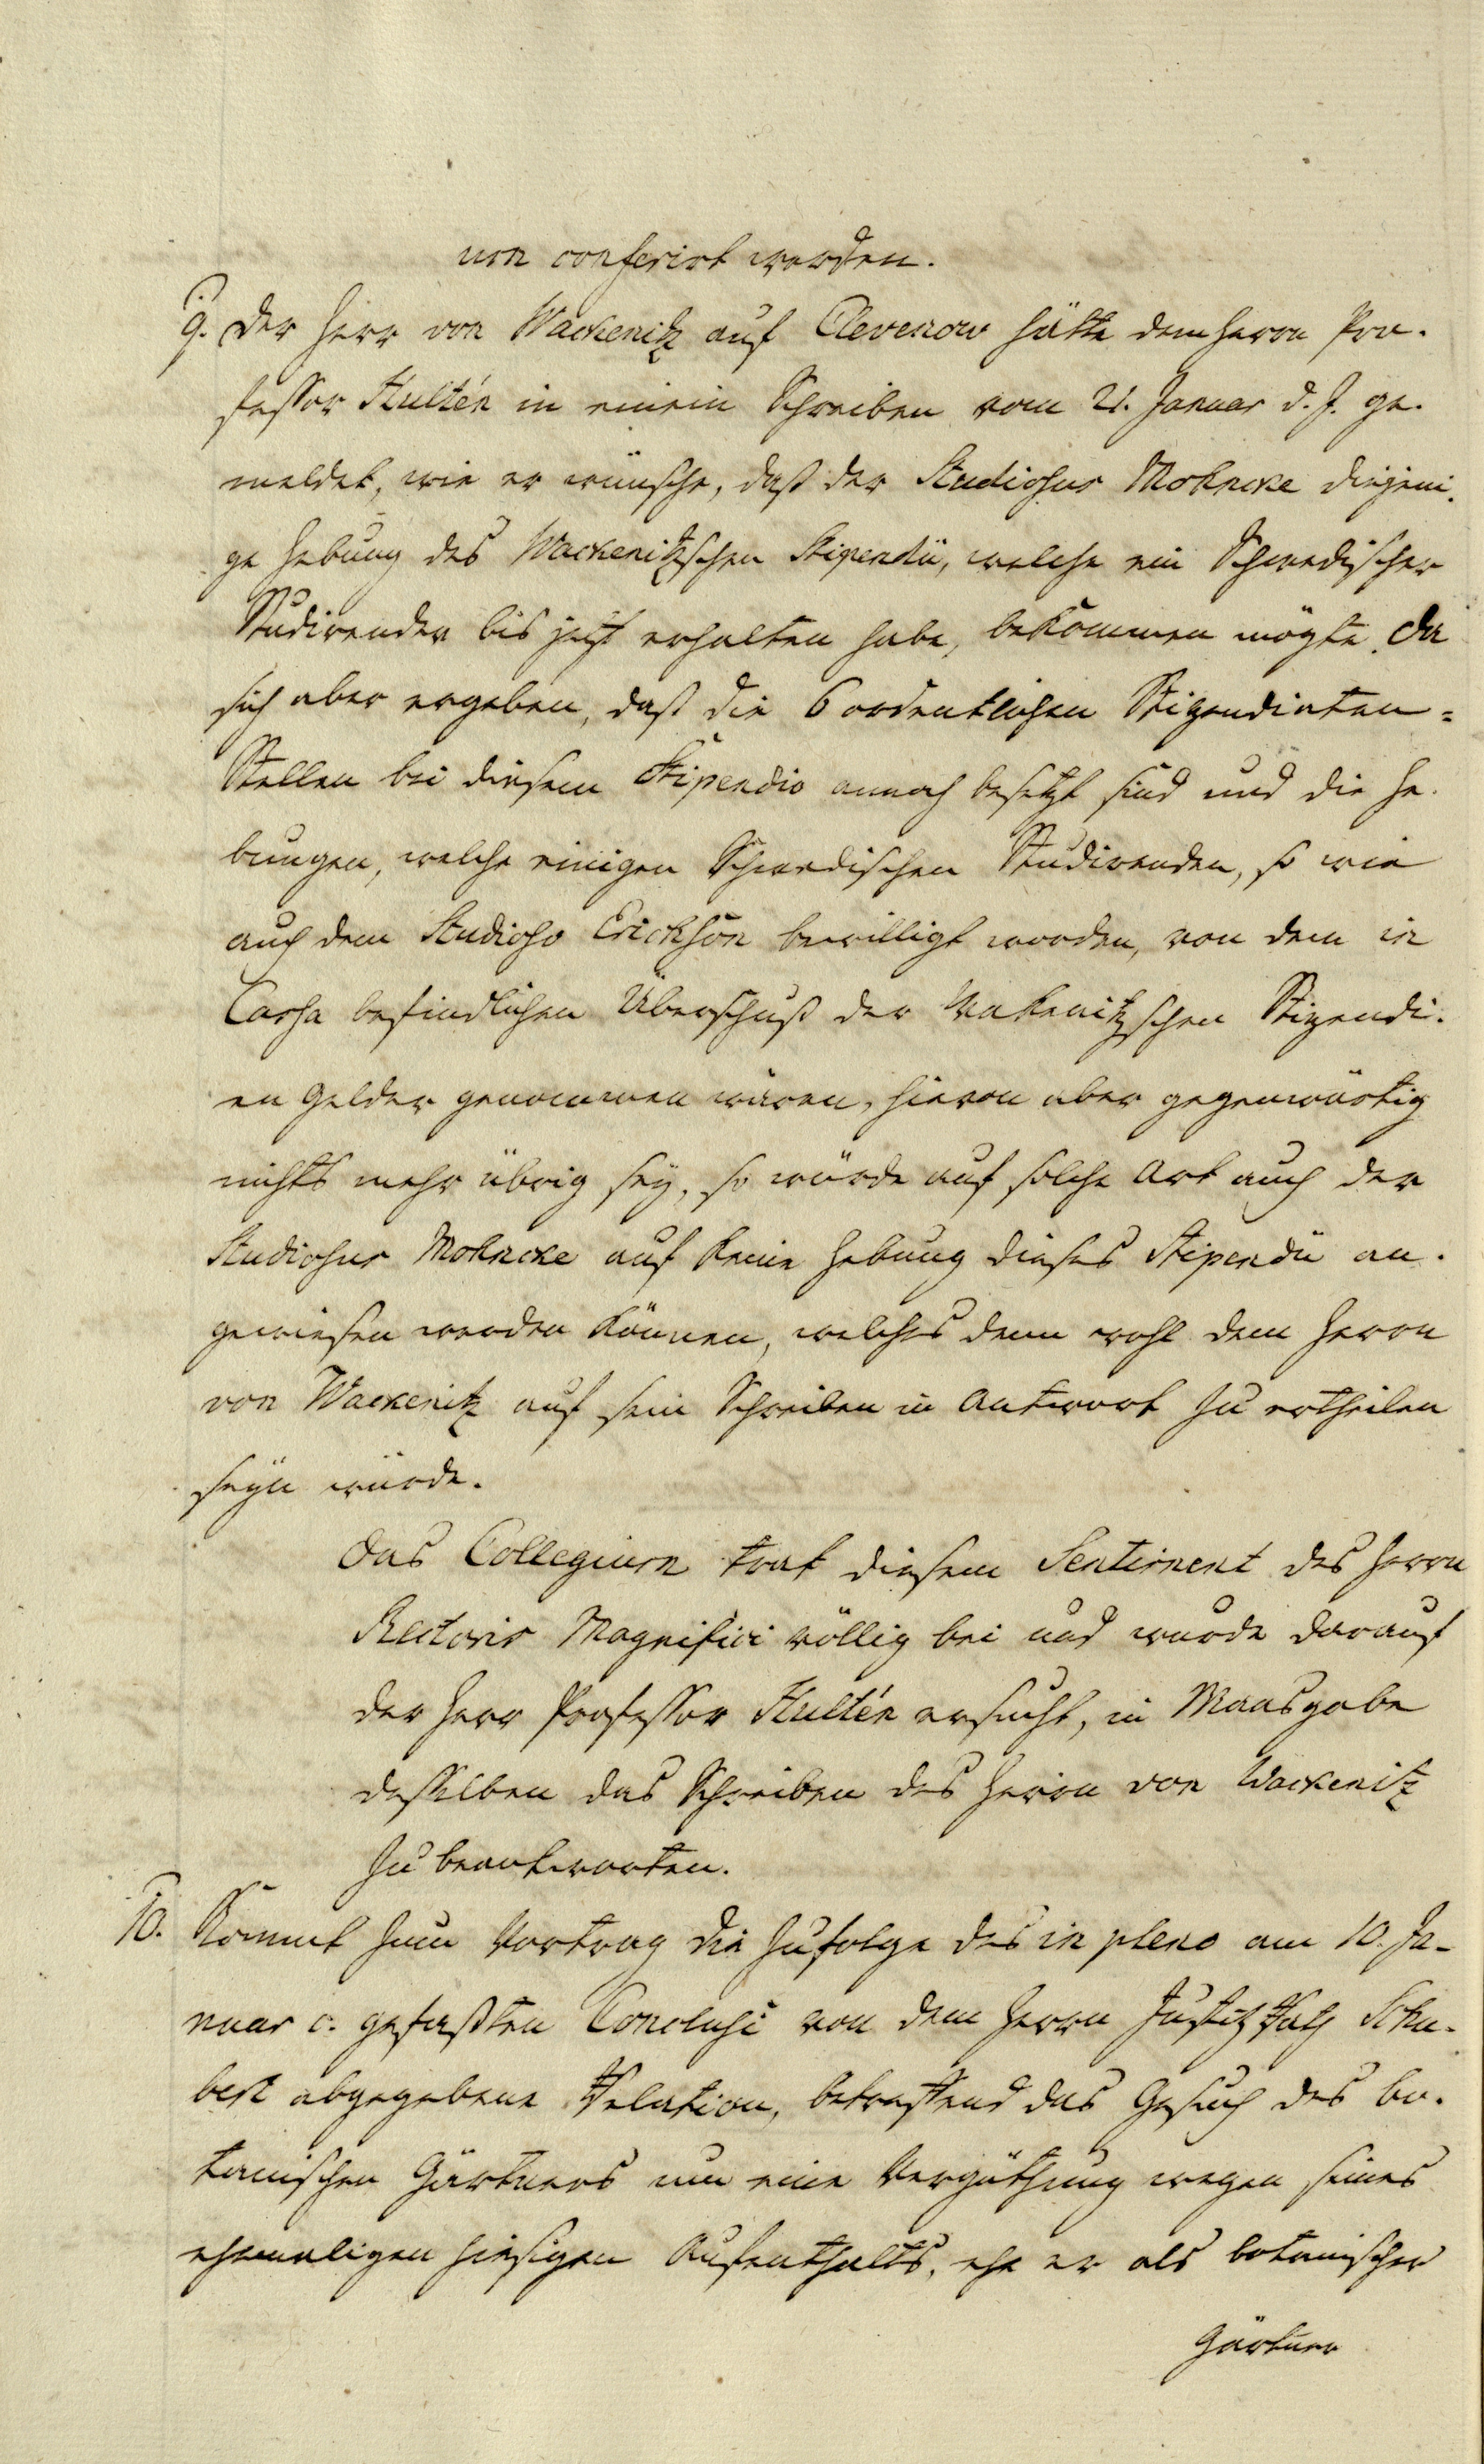um conferirt werden.
9. Der Herr von Wackenitz auf Clevenow hätte dem Herrn Pro¬
fessor Hultén in einem Schreiben vom 21. Januar d. J. ge¬
meldet, wie er wünsche, daß der Studiosus Mohncke diejeni¬
ge Hebung des Wackenitzschen Stipendii, welche ein Schwedischer
Studirender bis jetzt erhalten habe, bekommen mögte. Da
sich aber ergeben, daß die 6 ordentlichen Stipendiaten¬
Stellen bei diesem Stipendio annoch besetzt sind und die He¬
bungen, welche einigen Schwedischen Studirenden, so wie
auch dem Studioso Erichson bewilligt worden, von dem in
Cassa befindlichen. Überschuß der Waknitzschen Stipendi¬
en Gelder genommen wären, hievon aber gegenwärtig
nichts mehr übrig seÿ, so würde auf solche Art auch der
Studiosus Mohncke auf keine Hebung dieses Stipendii an¬
gewiesen werden können, welches den wohl dem Herrn
von Wackenitz auf sein Schreiben in Antwort zu ertheilen
seÿn würde.
Das Collegium trat diesem Sentiment des Herrn
Rectoris Magnifici völlig bei und würde darauf
der Herr Professor Hultén ersucht, in Maasgabe
desselben das Schreiben des Herrn von Wackenitz
zu beantworten.
10. Kommt zum Vortrag die zufolge des in pleno am 10. Ja¬
nuar c. gefaßten Conclusi von dem Herrn Justitz Rath Schu¬
bert abgegebene Relation, betreffend das Gesuch des bo¬
tanischen Gärtners um eine Vergüthung wegen seines
ehemaligen hiesigen Aufenthalts, ehe er als botanischer
Gärtner